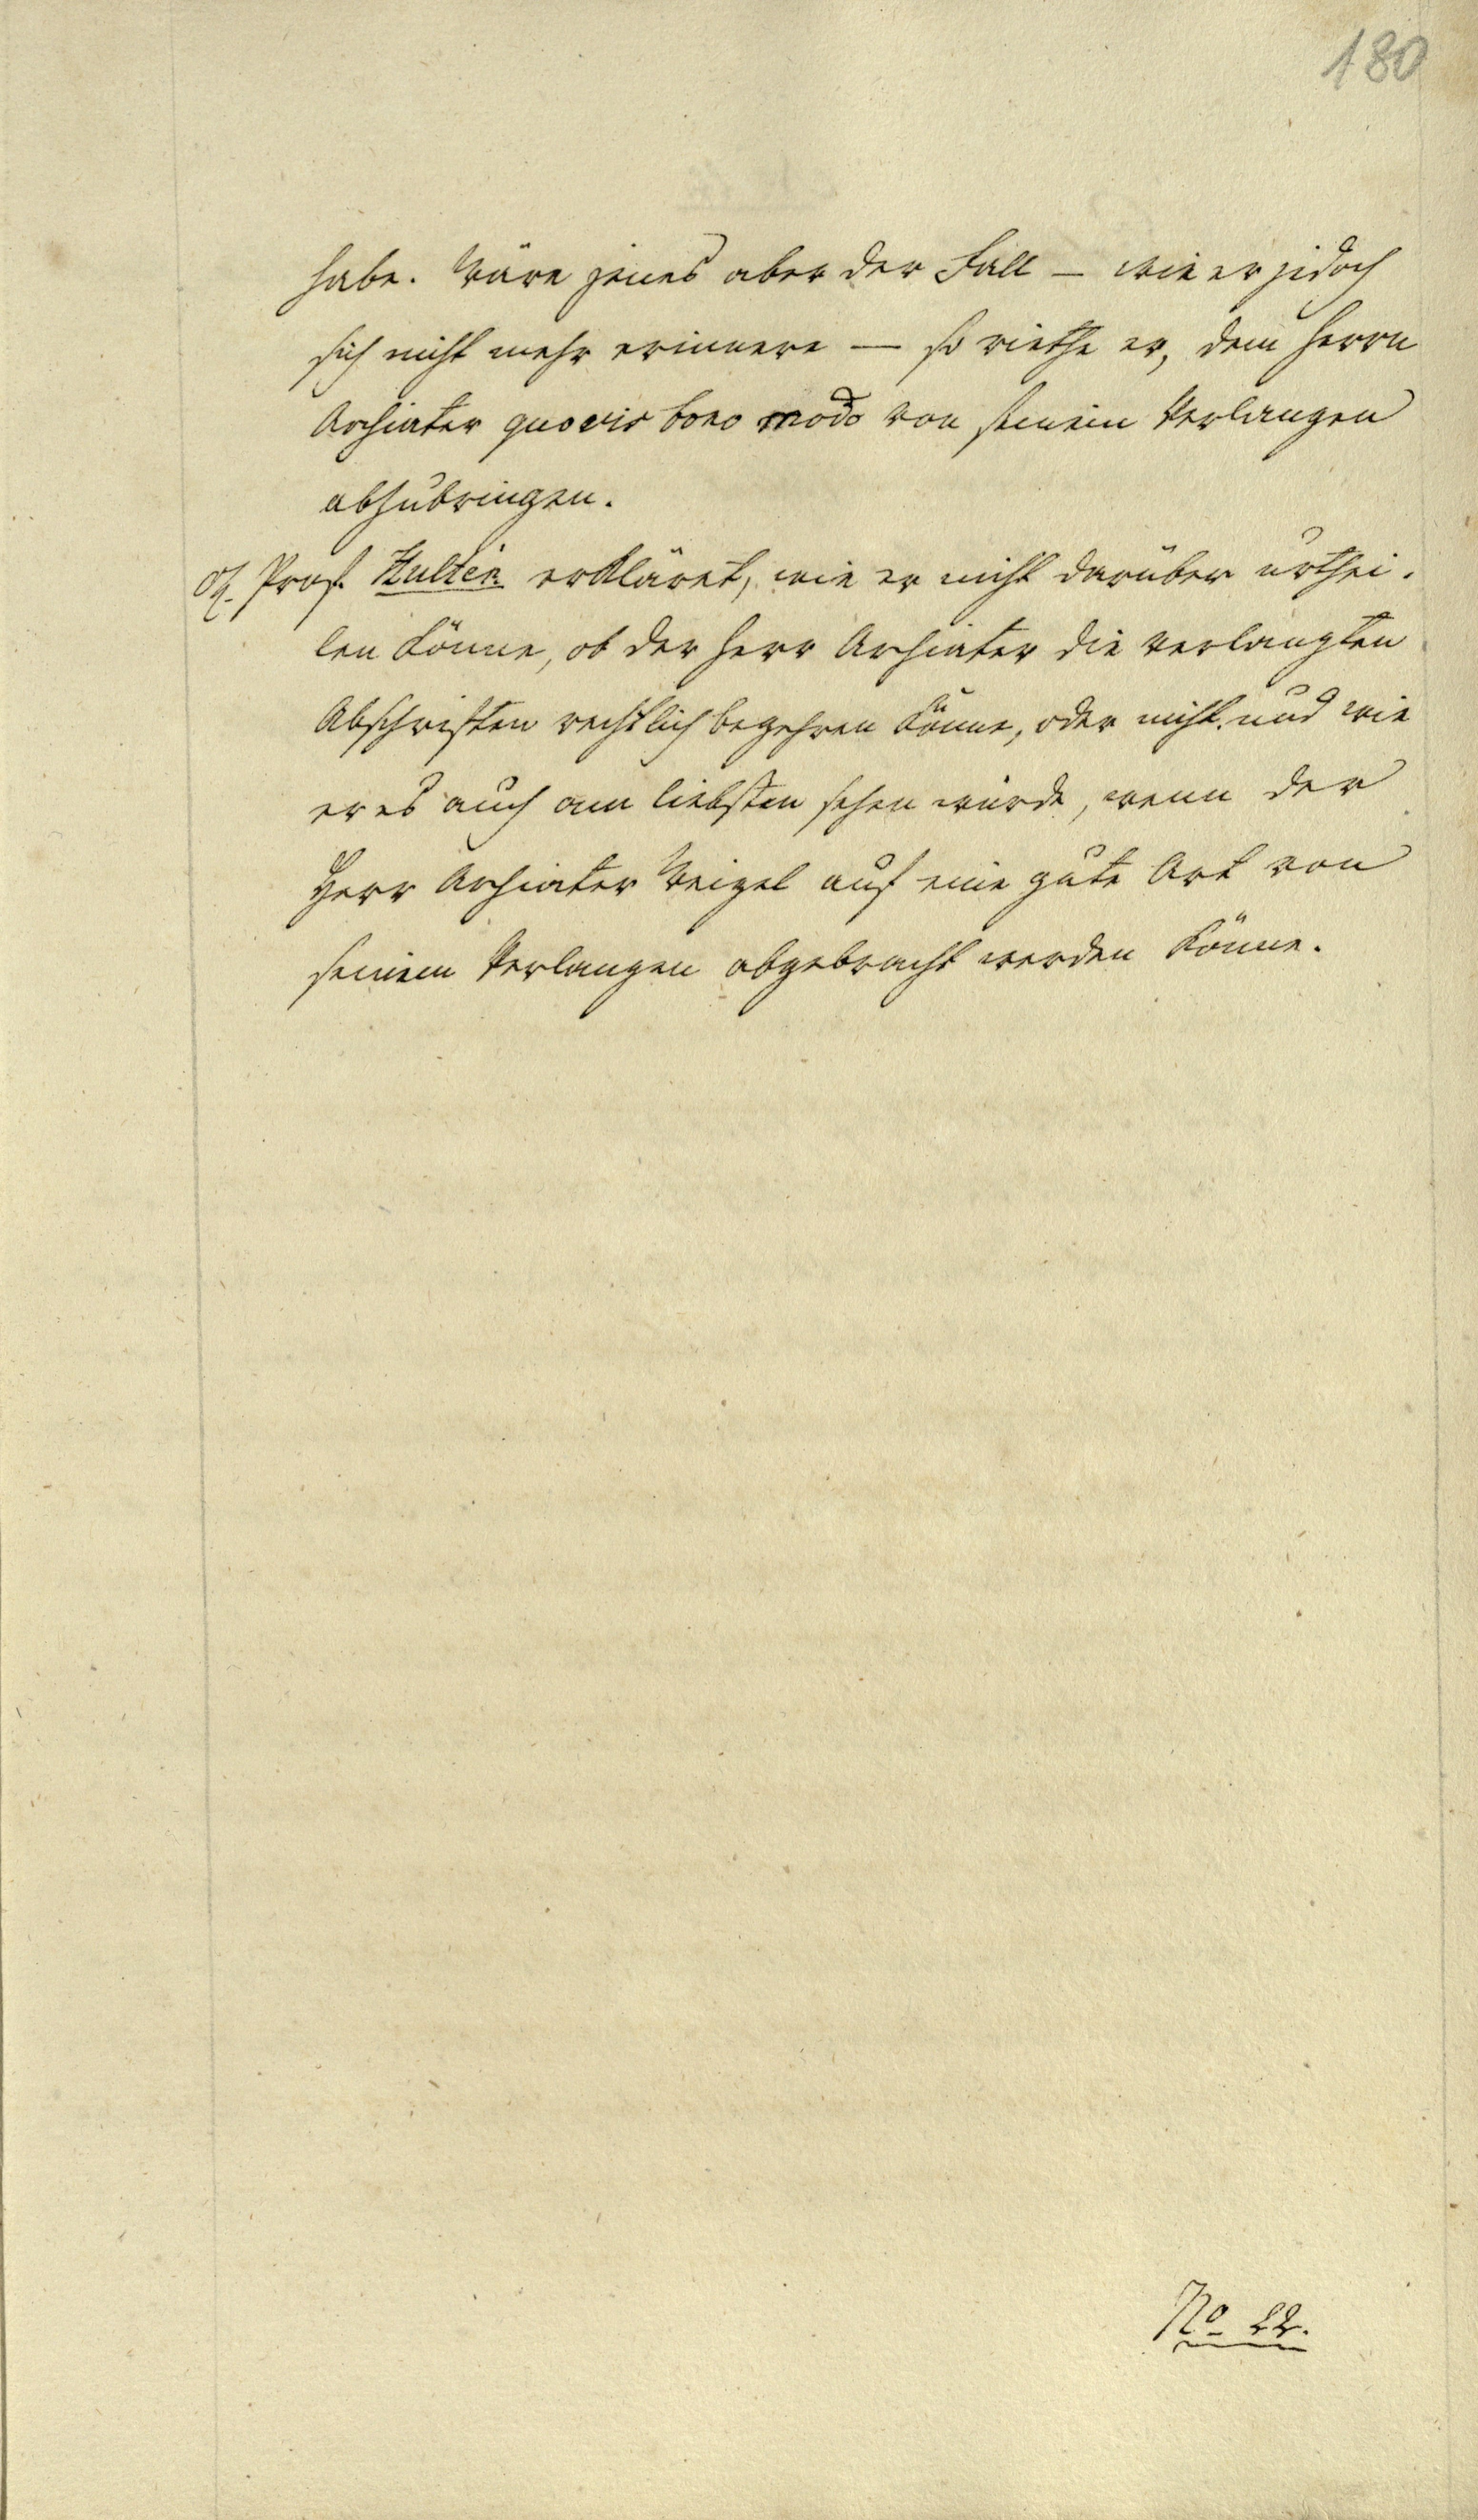habe. Wäre jenes aber der Fall wie er jedoch
sich nicht mehr erinnere so riethe er, dem Herrn
Archiater quovis bono modo von seinem Verlangen
abzubringen.
dh. Prof. Hultén erkläret, wie er nicht darüber urthei¬
len könne, ob der Herr Archiater die verlangten
Abschriften rechtlich begehren könne, oder nicht und wie
er es auch am liebsten sehen würde, wenn der
Herr Archiater Weigel auf eine gute Art von
seinem Verlangen abgebracht werden könne.
No 22.